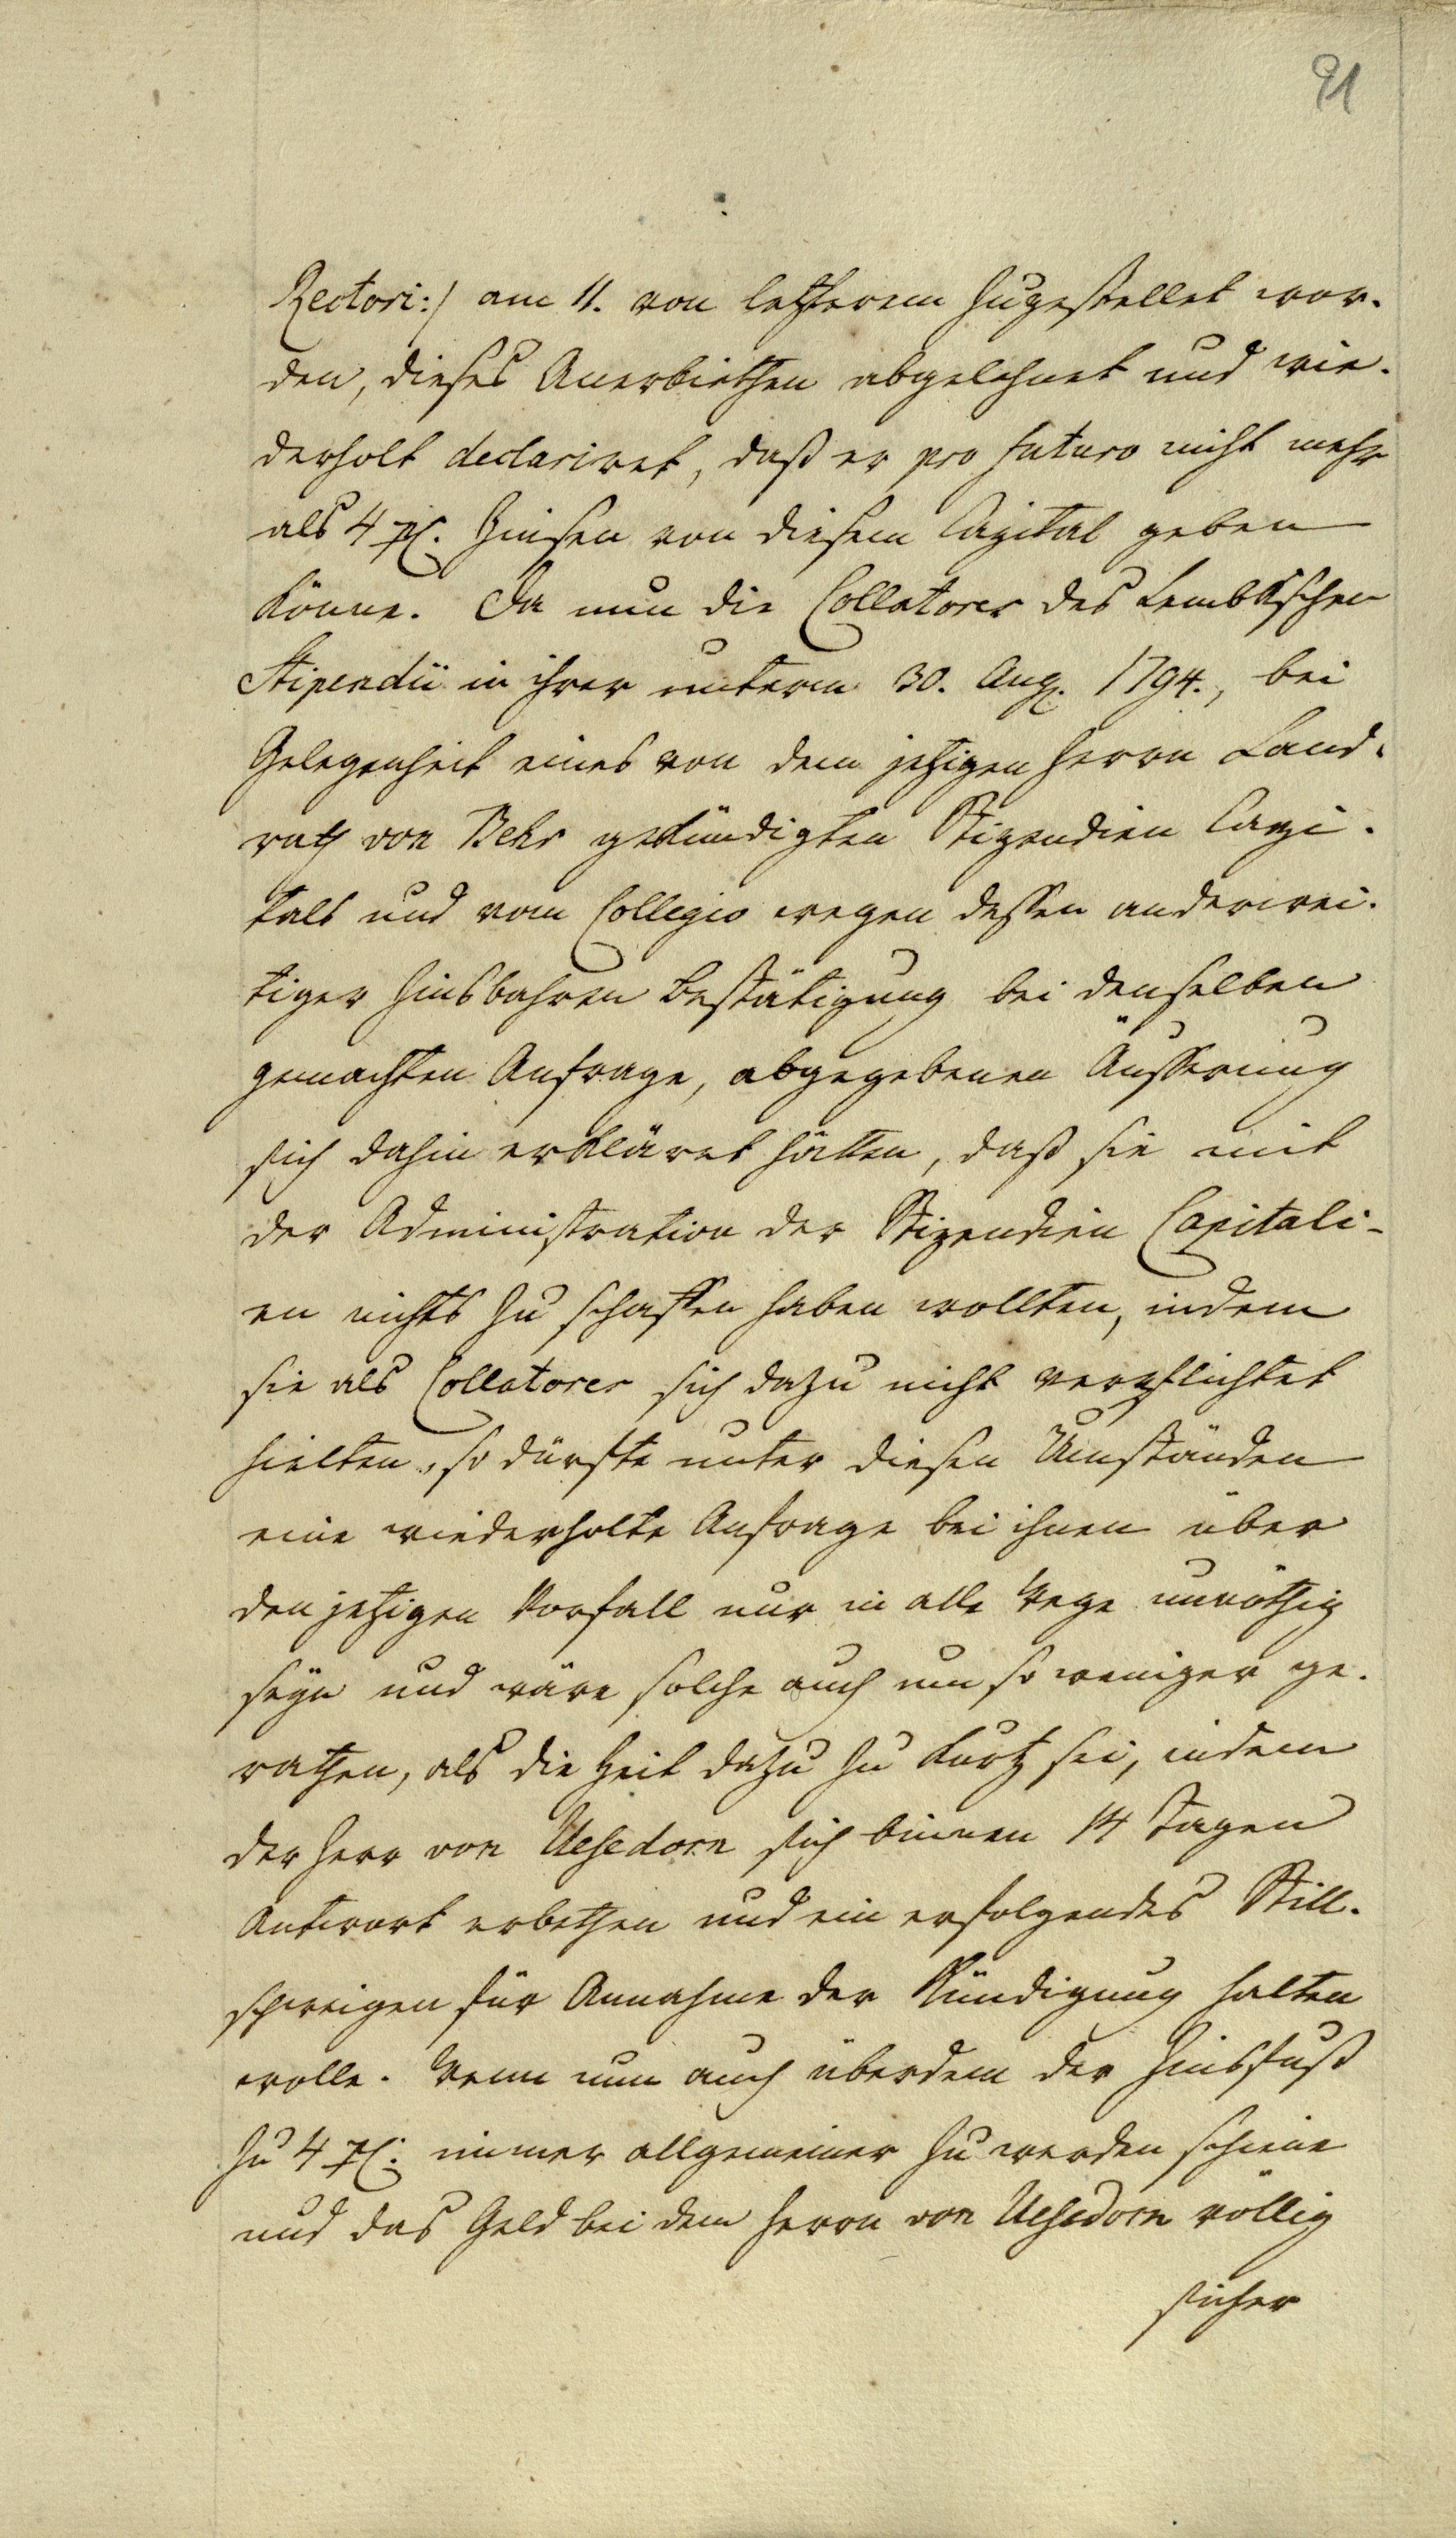Rectori ./ am 11. von letzterem zugestellet wor¬
den, dieses Anerbiethen abgelehnet und wie¬
derholt declariret, daß er pro futuro nicht mehr
als 4 pl. Zinsen von diesem Capital geben
könne. Da nun die Collatores des Lembkschen
Stipendii in ihrer unterm 30. Aug. 1794., bei
Gelegenheit eines von dem jetzigen Herrn Land¬
rath von Behr gekündigten Stipendien Capi¬
tals und vom Collegio wegen dessen anderwei¬
tiger zinsbahren Bestätigung bei denselben
gemachten Anfrage, abgegebenen Äusserung
sich dahin erkläret hätten, daß sie mit
der Administration der Stipendien Capitali¬
en nichts zu schaffen haben wollten, indem
sie als Collatores sich dazu nicht verpflichtet
hielten, so dürfte unter diesen Umständen
eine wiederholte Anfrage bei ihnen über
den jetzigen Vorfall nur in alle Wege unnöthig
seÿn und wäre solche auch um so weniger ge¬
rathen, als die Zeit dazu zu kurz sei, indem
der Herr von Uesedorm sich binnen 14 Tagen
Antwort erbethen und ein erfolgendes Still¬
schweigen für Annahme der Kündigung halten
wolle. Wenn nun auch überdem der Zinsfuß
zu 4 pl. immer allgemeiner zu werden schiene
und das Geld bei dem Herrn von Uesedom völlig
sicher